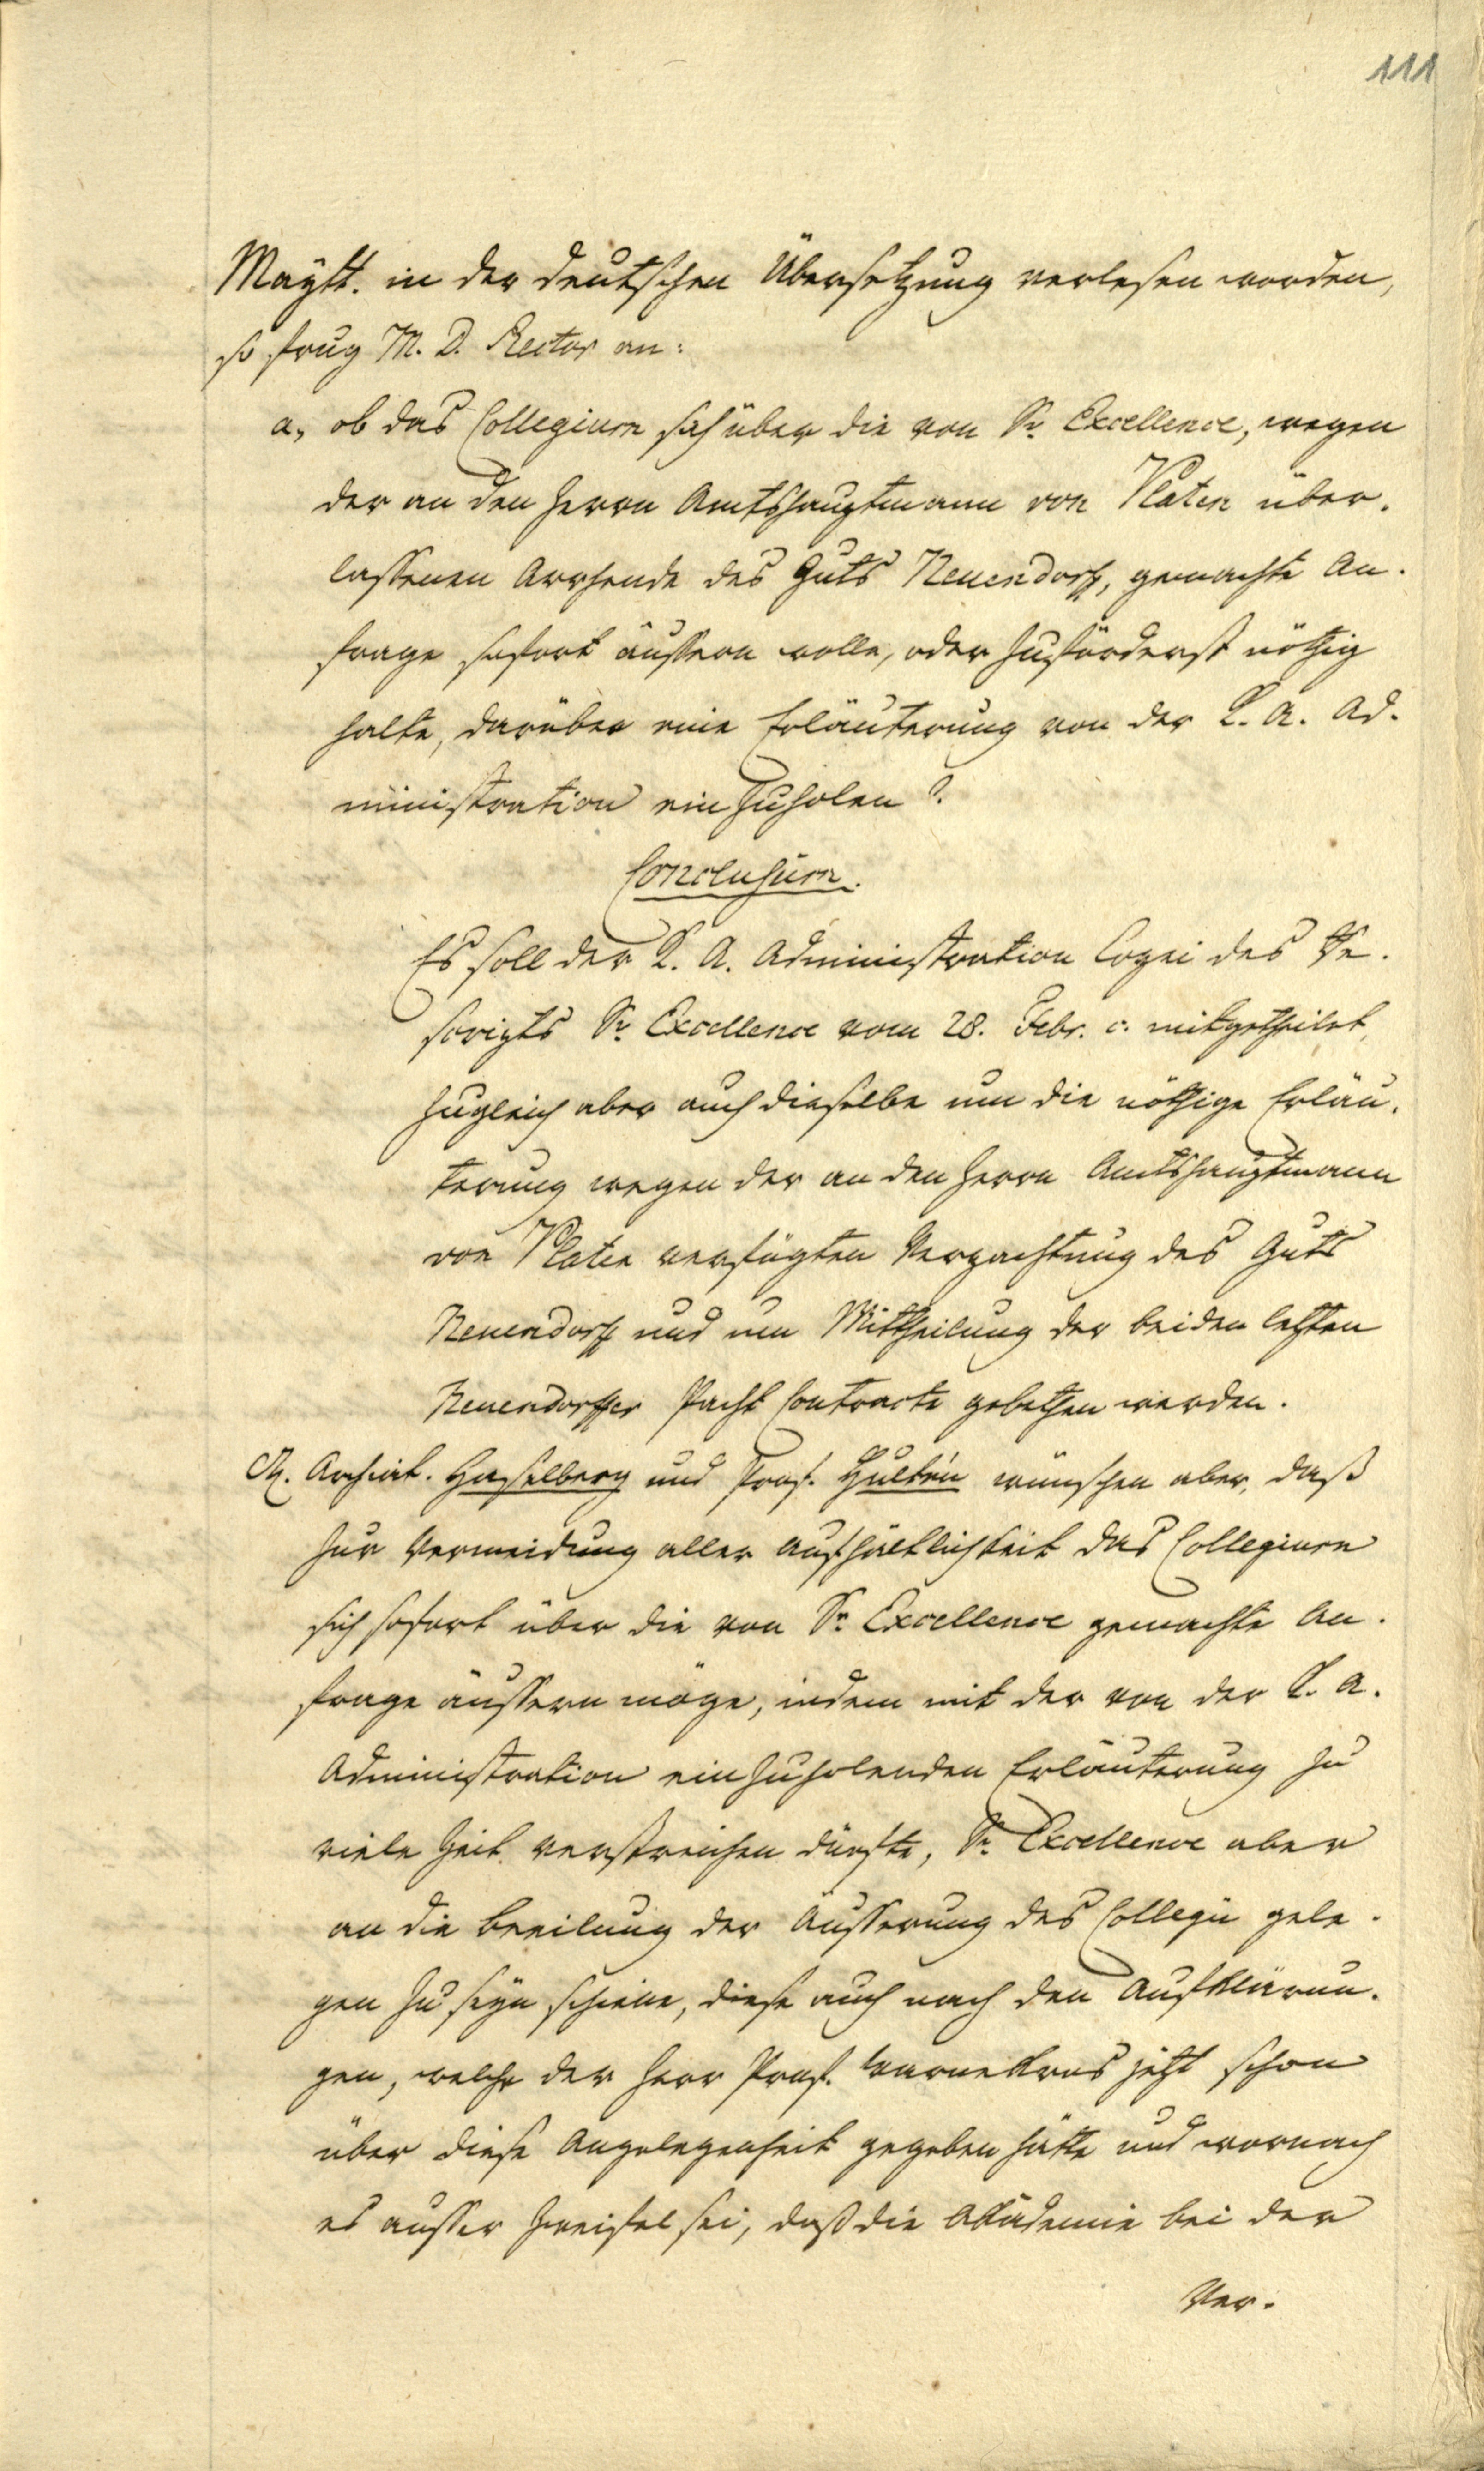Maÿtt. in der deutschen Übersetzung verlesen worden,
so frug M. D. Rector an:
a, ob das Collegium sich über die von Sr. Excellence, wegen
der an den Herrn Amtshauptmann von Platen über¬
lassenen Arrhende des Guts Neuendorff, gemachte An¬
fragen sofort äussern wolle, oder zuförderst nöthig
halte, darüber eine Erläuterung von der K. A. Ad¬
ministration einzuholen?
Conclusum.
Es soll der K. A. Administration Copei des Re¬
scripts Sr Excellence vom 28. Febr. c. mitgetheilet,
zugleich aber auch dieselbe um die nöthige Erläu¬
terung wegen der an den Herrn Amtshauptmann
von Platen verfügten Verpachtung des Guts
Neuendorff und um Mittheilung der beiden letzten
Neuendorffer Pacht Contracte gebethen werden.
dh. Archiat. Haselberg und Prof. Hultén wünschen aber, daß
zur Vermeidung aller Aufhältlichkeit das Collegium
sich sofort über die von Sr Excellence gemachte An¬
frage äussern möge, indem mit der von der K. A.
Administration einzuholenden Erläuterung zu
viele Zeit verstreichen dürfte, Sr Excellence aber
an die Beeilung der Äusserung des Collegii gele¬
gen zu seÿn schiene, diese auch nach den Aufklärun¬
gen, welche der Herr Prof. Warnekros jetzt schon
über diese Angelegenheit gegeben hätte und wornach
es ausser Zweifel sei, daß die Akademie bei der
Ver¬